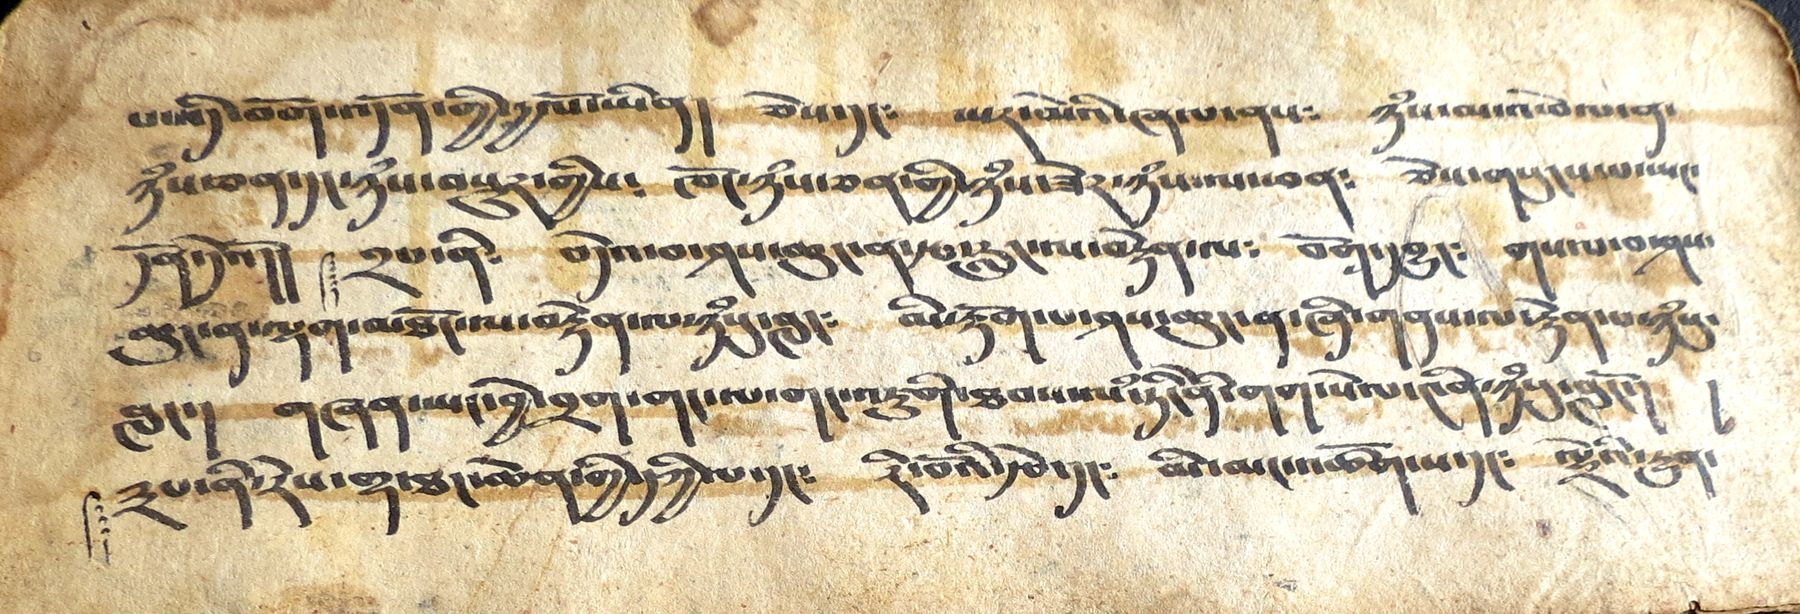པ་འདི། བོགས་འདོན་གྱི་རྒྱལ་པོ་ཡིན་ཞེས་དང་། ཡར་མེའི་ཞལ་ནས། ཉམས་མ་འཕེལ་ན་
ཉམས་ཅན་དང་ཉམས་བསྡུར་གྱིས། ཁོང་ཉམས་ཅན་གྱིས་ཉམས་ཟེར་ཉམས་ལ་ཕན། ཞེས་གསུངས་པ་ཡང་
དོན་དེའོ། ། གཉིས་པ་ནི། བདེ་བ་ཤས་ཆུང་ན་རྩ་རླུང་ལ་བརྟེན་ལ་བོགས་འདོན། གསལ་བ་ཤས་
ཆུང་ན། ལྷག་མཐོང་ལ་བརྟེན་ནས་ཉམས་སུ་བླང་། མི་རྟགས་པ་ཤས་ཆུད་ན་ཞི་གནས་ལ་རྟེན་པ་ཉམས་སུ་
བླང་། གཞན་ཡང་བྱེ་བྲག་གང་ལ་གང་འཇུག་གི་ཐབས་ལམ་ཏིང་ངེ་འཛིན་རྟེན་འབྲེལ་གག་སེལ་བཞིན་དུ་ཉམས་སུ་བླང་ངོ་། ། 
གསུམ་པ་ནི། རེས་འགའ་ཐང་ཆེན་གྱི་དཀྱིལ་དང་། རི་བོའི་རྩེ། མི་མང་འཚོགས་པ་དང་། ལྷ་འདྲེའི་རྒྱུགས་